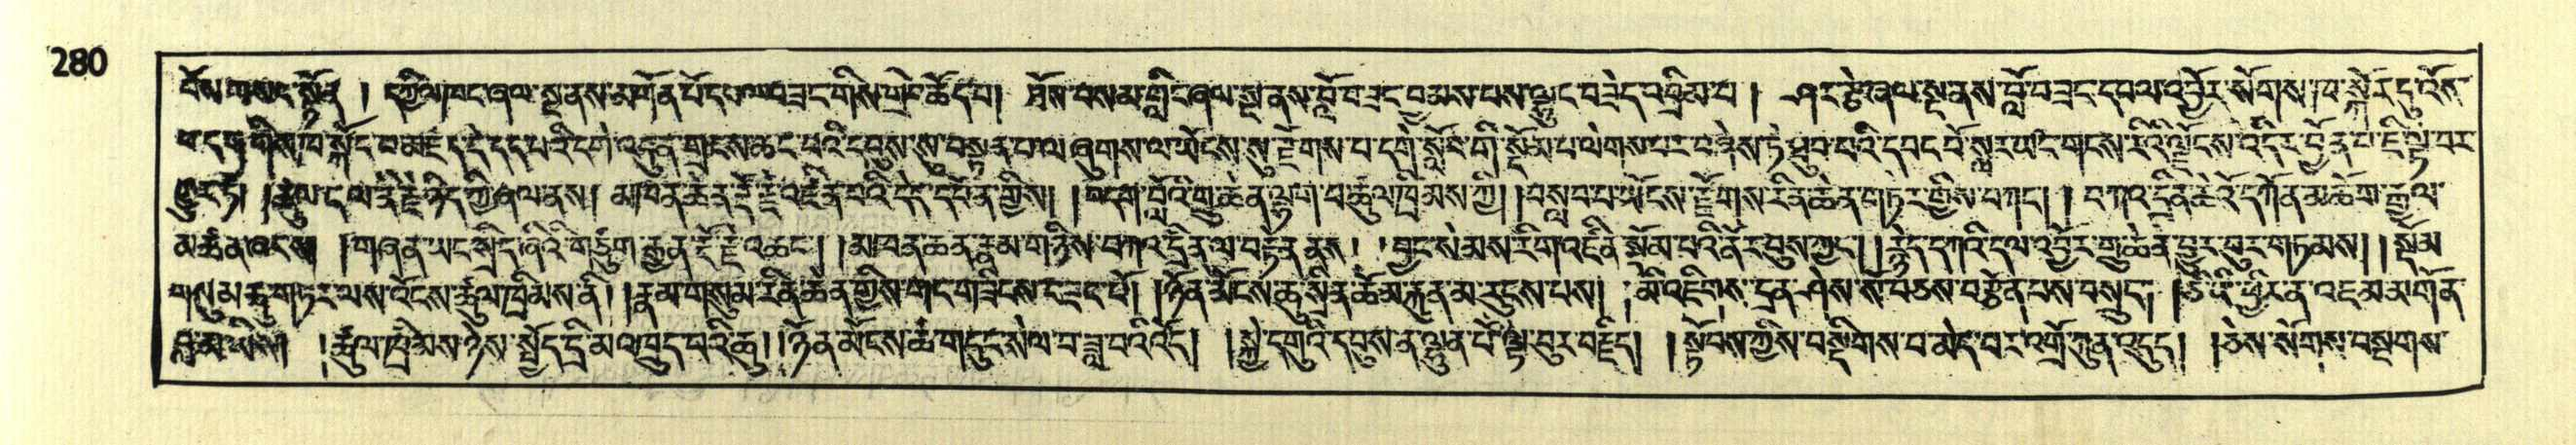བོས་གསང་སྟོན་།དཀྱིལ་ཁང་ཞལ་སྔ་ནས་མགོན་པོ་དཔལ་བཟང་གིས་གྲེབ་ཆོད་པ། ཐོས་བསམ་གླིང་ཞལ་སྔ་ནས་བློ་བཟང་བྱམས་པས་ལྷུང་བཟེད་འབྲིམ་པ། ཤར་རྩེ་ཞལ་སྔ་ནས་བློ་བཟང་དཔལ་འབྱོར་སོགས་ཁ་སྐོར་དུ་འོས་
པ་དག་གིས་ཁ་སྐོང་བ་མཛད་དེ་དད་པའི་དགེ་འདུན་གྲངས་ཆང་བའི་དབུས་སུ་བསྟན་པ་ལ་ཞུགས་ལ་ཡོངས་སུ་རྫོགས་པ་དགེ་སློབ་གི་སྡོམ་པ་ལེགས་པར་བཞེས་ཏེ་ཐུབ་པའི་དབང་པོ་སླར་ཡང་གངས་རིའི་ལྗོངས་འདིར་བྱོན་པ་ཇི་ལྟ་བར་
གྱུར་ཏོ། །ཚུལ་ངལ་ནི་རྗེ་ཉིད་ཀྱི་ཞལ་ནས། མཁན་ཆེན་རྡོ་རྗེ་འཛིན་བའི་དེད་དཔོན་གྱིས། །བདག་བློའི་གྲུ་ཆེན་ལྷག་བ་ཚུལ་ཁྲིམས་ཀྱི། །བསླབ་པ་ཡོངས་རྫོགས་རིན་ཆེན་གཏེར་གྱིས་བཀང་། །བཀའ་དྲིན་ཆེའོ་དཀོན་མཆོག་རྒྱལ་
མཚན་ཞངས། །གཞན་ཡང་སྲིད་ཞིའི་གཙུག་རྒྱན་རྡོ་རྗེ་འཆང་། །མཁན་ཆན་རྣམ་གཉིས་བཀའ་དྲིན་ལ་བརྟེན་ནས། །བྱང་སེམས་རིག་འཛིན་སྡོམ་པའི་ནོར་བུས་ཀྱང་། །རྙེད་དཀའི་དལ་འབྱོར་གྲུ་ཆེན་བྱུར་བུར་གཏམས། །སྡོམ་
གསུམ་ཆུ་གཏར་ལས་འོངས་ཚུལ་ཁྲིམས་ནི། །རྣམ་གསུམ་རིན་ཆེན་གྱིས་གང་གཟིངས་བཟང་པོ། །ཉོན་མོངས་ཆུ་སྲིན་ཆོམ་རྐུན་མ་རུངས་པས། །མི་འཇིགས་དྲན་ཤེས་སོ་བཅས་བརྩོན་པས་བསྲུང་། །ཅི་ཡི་ཕྱིར་ན་འཇམ་མགོན་
བླ་མ་ཡིས། །ཚུལ་ཁྲིམས་ཉེས་སྤྱོད་དྲི་མ་འཁྲུད་པའི་ཆུ། །ཉོན་མོངས་ཚ་གདུང་སེལ་བ་ཟླ་བའི་འོད། །སྐྱེ་དགུའི་དབུས་ན་ལྷུན་པོ་ལྟ་བུར་བརྗིད། །སྟོབས་ཀྱིས་བསྡིགས་བ་མེད་བར་འགྲོ་ཀུན་འདུད། །ཅེས་སོགས་བསྔགས་